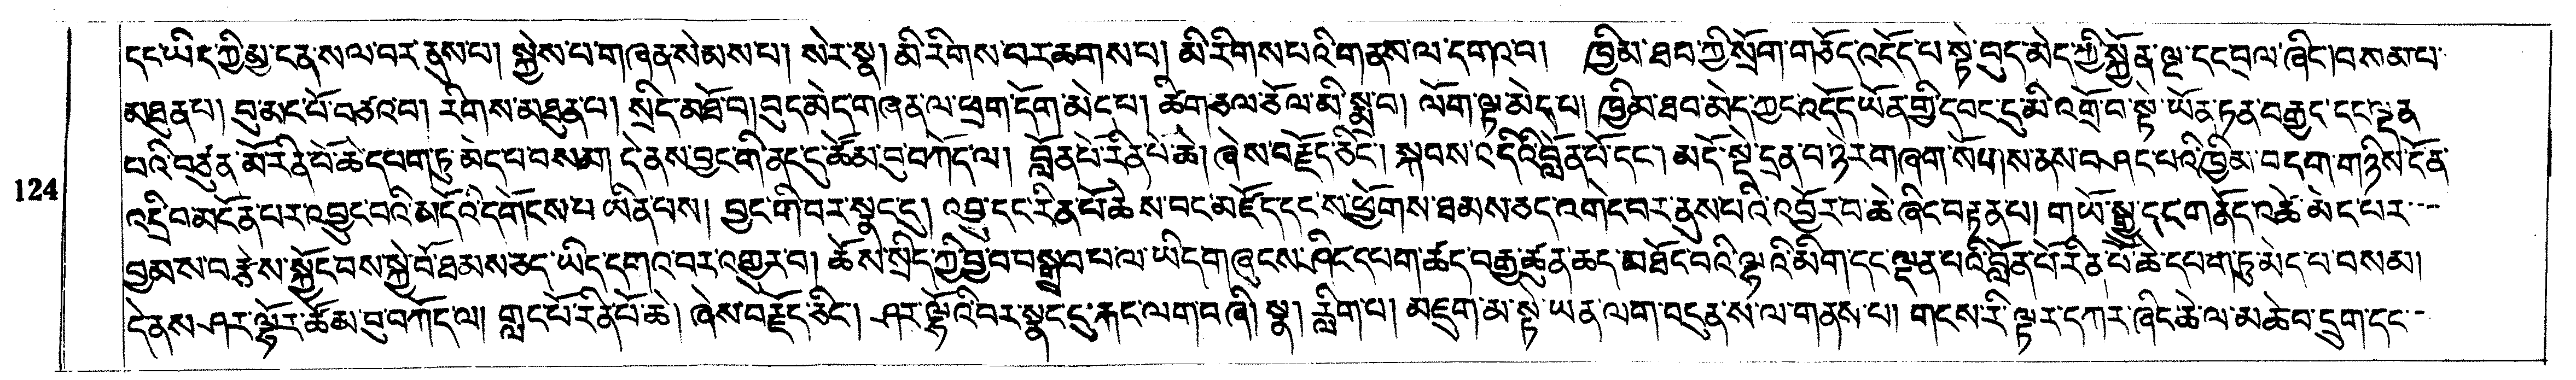དང་ཡིད་ཀྱི་མྱ་ངན་སལ་བར་ནུས་པ། སྐྱེས་པ་གཞན་སེམས་པ། སེར་སྣ། མི་རིགས་པར་ཆགས་པ། མི་རིགས་པའི་གནས་ལ་དགའ་བ། ཁྱིམ་ཐབ་ཀྱི་སྲོག་གཅོད་འདོད་པ་སྟེ་བུད་མེད་ཀྱི་སྐྱོན་ལྔ་དང་བྲལ་ཞིང་། བསམ་པ་
མཐུན་པ། བུ་མང་པོ་བཙའ་བ། རིགས་མཐུན་པ། སྲིད་མཐོ་བ། བུད་མེད་གཞན་ལ་ཕྲག་དོག་མེད་པ། ཚིག་ཅལ་ཅོལ་མི་སྨྲ་བ། ལོག་ལྟ་མེད་པ། ཁྱིམ་ཐབ་མེད་ཀྱང་འདོད་ཡོན་གྱི་དབང་དུ་མི་འགྲོ་བ་སྟེ་ཡོན་ཏན་བརྒྱད་དང་ལྡན་
པའི་བཙུན་མོ་རིན་པོ་ཆེ་དཔག་ཏུ་མེད་པ་བསམ། དེ་ནས་བྱང་གི་ནང་དུ་ཚོམ་བུ་བཀོད་ལ། བློན་པོ་རིན་པོ་ཆེ། ཞེས་བརྗོད་ཅིང་། སྐབས་འདིའི་བློན་པོ་དང་། མདོ་སྡེ་དྲན་པ་ཉེར་གཞག་སོགས་ནས་བཤད་པའི་ཁྱིམ་བདག་གཉིས་དོན་
འདྲི་བ་མངོན་པར་འབྱུང་བའི་མདོའི་དགོངས་པ་ཡིན་པས། བྱང་གི་བར་སྣང་དུ། འབྱུ་དང་རིན་པོ་ཆེས་བང་མཛོད་དང་ས་ཕྱོགས་ཐམས་ཅད་འགེང་བར་ནུས་པའི་འབྱོར་བ་ཆེ་ཞིང་བརྟན་པ། གཡོ་སྒྱུ་དང་གནོད་འཚེ་མེད་པར་
བྱམས་བརྩེས་སྐྱོང་བས་སྐྱེ་བོ་ཐམས་ཅད་ཡིད་དགའ་བར་འགྱུར་བ། ཆོས་སྲིད་ཀྱི་བྱ་བ་བསྒྲུབ་པ་ལ་ཡིད་གཞུངས་ཤིང་དཔག་ཚད་བརྒྱ་ཚུན་ཆད་མཐོང་བའི་ལྷའི་མིག་དང་ལྡན་པའི་བློན་པོ་རིན་པོ་ཆེ་དཔག་ཏུ་མེད་པ་བསམ།
དེ་ནས་ཤར་ལྷོར་ཚོམ་བུ་བཀོད་ལ། གླང་པོ་རིན་པོ་ཆེ། ཞེས་བརྗོད་ཅིང་། ཤར་ལྷོའི་བར་སྣང་དུ་རྐང་ལག་བཞི། སྣ། རླིག་པ། མཇུག་མ་སྟེ་ཡན་ལག་བདུན་ས་ལ་གནས་པ། གངས་རི་ལྟར་དཀར་ཞིང་ཆེ་ལ་མཆེ་བ་དྲུག་དང་